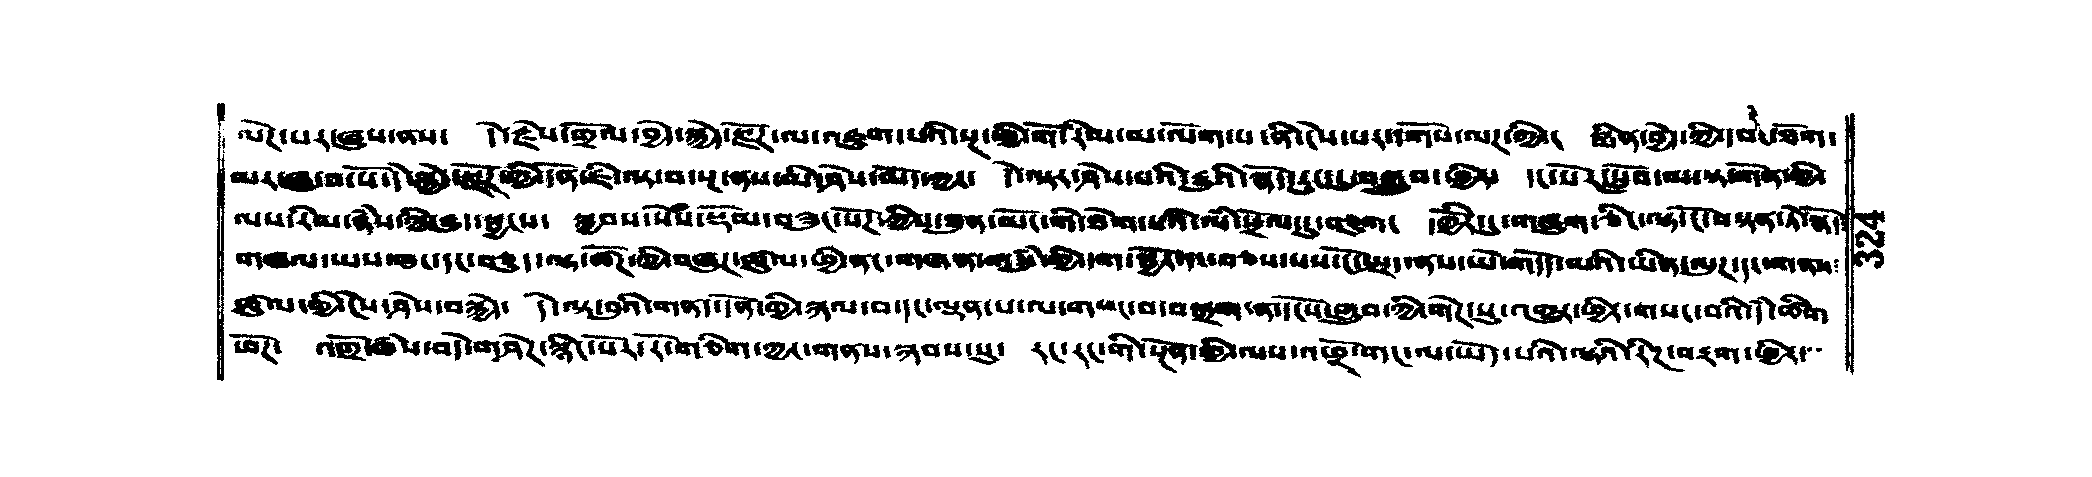ལེགས་པར་ཞུས་ནས། དེ་རྗེས་གྲོལ་བྱེད་བསྐྱེད་རྫོགས་ལ་འཇུག་པའི་སྔ་ཕྱི་གོ་རིམ་མ་ལོག་པ་ནི་ངེས་པར་དགོས་ལགས་ཀྱི། སྨིན་བྱེད་ཀྱི་དབང་ཐོག་
མར་ཞུ་བ་པོ་དེ་བསྐྱེད་རྫོགས་ཀྱི་དོན་ཇི་ལྟ་བ་སྔར་ནས་མི་ཤེས་མོད་ཀྱང་། དེ་ལྟར་ཤེས་པའི་རྒྱུའི་སྣོད་རུང་དུ་བསྒྲུབ་ཕྱིར། དང་པོ་སློབ་མ་སྟ་གོན་གྱི་
ལས་རིམ་རྣམས་ཀྱི་རྒྱུད་སྦྱངས། སྐྱབས་སེམས་སྡོམ་བཟུང་སོགས་ཀྱིས་ཐུན་མོང་གི་ཐེག་པའི་ལམ་སྲོལ་དུ་བཅུག དཀྱིལ་འཁོར་དུ་གཞུག་ཅིང་ལྷ་ངོ་བསྟན་ཏེ་སྣོད་
གཞལ་ཡས་ཁང་དང་བཅུད་ལྷ་ཚོགས་ཀྱི་བཞུགས་ཚུལ་ཕྱི་ནང་གཞན་གསུམ་གྱི་དག་སྦྱོར་དང་བཅས་པས་ངོ་སྤྲད་ནས་ཡེ་གདོད་མའི་ཡིན་ལུགས་དང་གནས་
ཚུལ་གྱི་ངེས་ཤེས་བསྐྱེད།དེ་ལྟ་བུའི་གནད་དོན་གྱི་སྐལ་བ་དང་ལྡན་པ་ལ་གསང་བ་བསྒྲགས་ན་དངོས་གྲུབ་ཀྱི་གེགས་སུ་འགྱུར་ཕྱིར་གསང་བའི་དམ་ཚིག་
ཕོགས། འགྲོ་ཁམས་བདེ་གཤེགས་སྙིང་པོ་རོ་གཅིག་ཀྱང་གནས་སྐབས་སུ། རང་རང་གི་སྔོན་གྱི་ལས་འཕྲོ་གང་ལ་ཡོད་པའི་ལྷའི་རིགས་བརྟག་ཕྱིར་